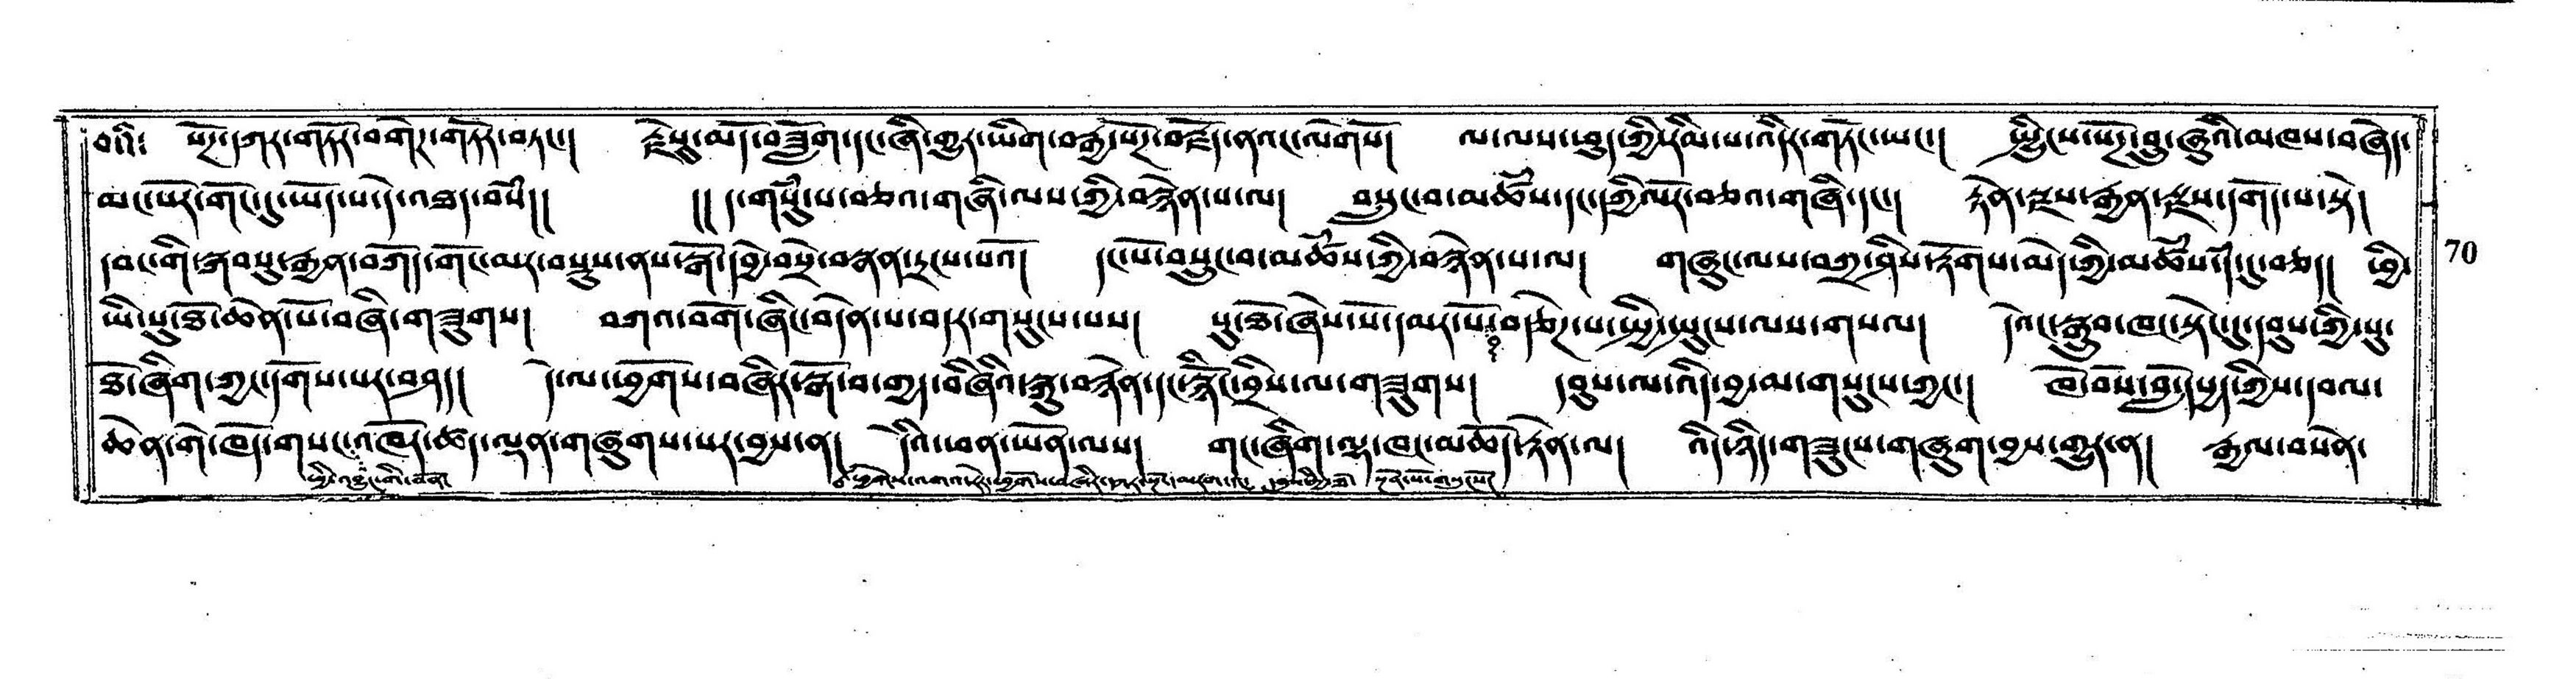བའི༴ སོགས་དཀར་གཏོར་བགེགས་གཏོར་བཏང་། རྗེས་སུ་མདོ་བཟློག་དང་ཞི་གྱུར་ཡིག་བརྒྱ་སོགས་བརྗོད་ནའང་ལེགས་སོ། ལ་ལས་ཕུད་ཀྱི་རིམ་པ་འདིར་གཏོང་ཡང་། སྤྱི་སྤུངས་སོགས་བྲུ་ཞུའི་མཁས་བཞེད་
མང་པོར་གོང་དུ་ཡོད་པ་དེ་འཐད་བསམ།། །།གསུམ་པ་བཅའ་གཞི་ལས་ཀྱི་བསྙེན་པ་ལ། བསྲུང་བ་མཚམས་དང་དཀྱིལ་འཁོར་བཅའ་གཞི་དང་། རྟེན་རྫས་རྒྱན་རྫས་དགོད་པ་སྟེ། 
དབང་གི་སྐབས་སུ་རྒྱན་བཀོད་གོང་མར་བསྡུས་ནས་སྒོ་དབྱེ་བསྲེ་བསྣན་དྲངས་པའོ། དང་པོ་བསྲུང་བ་མཚམས་ཀྱི་བསྙེན་པ་ལ། གཞུང་ལས་བཀྲ་ཤིས་རྟོག་མེད་ཀྱི་མཚམས་དམ་དུ་བཅད། ཕྱི་
ཡི་པུ་ཐོ་ཆེན་པོ་བཞི་གཟུགས། བཀའ་བགོ་ཞིང་བདེན་པ་བདར་གསུངས་པས། པུ་ཐོ་ཞེས་སོ་དམར་པོ་(ཕྱོགས་འགའ་རེར་ཕྱོགས་བཞིར་དཀར་སྔོ་དམར་ནག་དང་དབུས་ཀྱི་ཐོ་སྔོན་པོ་གསུངས་སོ།)བརྩེགས་པ་སྤྱི་སྤུངས་ལས་གསལ། དེའང་སྒྲུབ་ཁང་སྟེང་དུ་དབུས་ཀྱི་པུ་
ཐོ་ཞིག་ཀྱང་དགོས་པར་བཤད། དེ་ལ་ཕྱོགས་བཞིར་སྒོ་བ་གྱད་བཞིའི་སྐུ་བརྙེན་དང་སྙིང་པོ་བྲིས་ལ་གཟུགས། དབུས་ལ་འདི་བྱ་མ་གསུངས་ཀྱང་། ཁོ་བོས་བློ་དཔྱད་ཀྱིས་དབལ་
ཆེན་གེ་ཁོད་གསང་(ཕྱི་འབྱུང་གི་བོན་)འཁོར་ཚད་ལྡན་གཞུགས་པར་བྱས་ན། དེའི་ཕན་ཡོན་ལས། གང་ཞིག་ལྷ་ཁང་མཆོད་རྟེན་ལ། འདི་ཉིད་གཟུངས་གཞུག་བྱས་གྱུར་ན། རྒྱལ་བསེན་